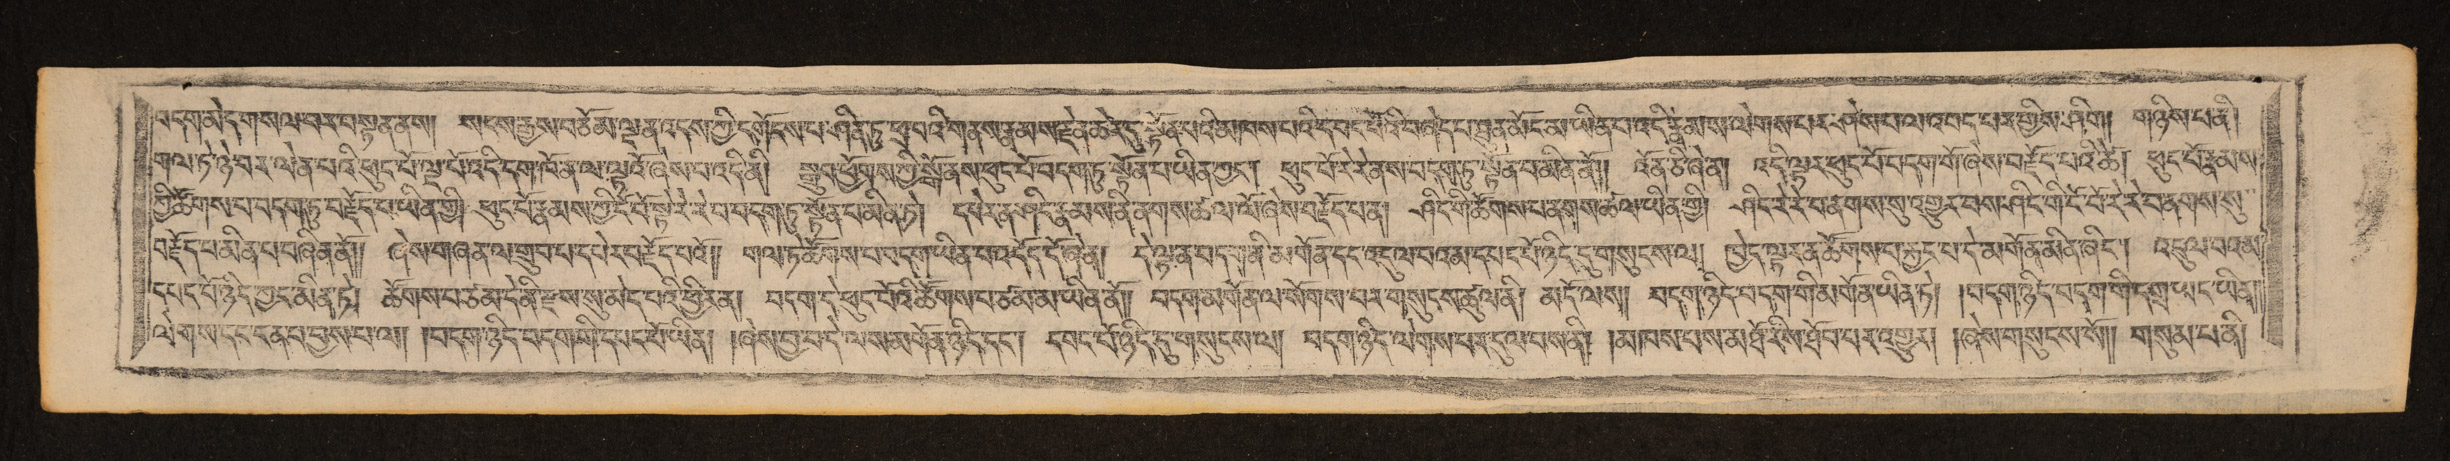བདག་མེད་གསལ་བར་བསྟན་ནས། སངས་རྒྱས་བཅོམ་ལྡན་འདས་ཀྱི་དགོངས་པ་ཤིན་ཏུ་ཕྲ་བའི་གནས་རྣམས་རྗེན་ཆེར་དུ་སྟོན་པའི་མཁས་པའི་དབང་པོའི་བཞེད་པ་ཐུན་མོང་མ་ཡིན་པ་འདི་རྣམས་ལེགས་པར་ཤེས་པ་ལ་འབད་པར་གྱིས་ཤིག། གཉིས་པ་ནི།
གལ་ཏེ་ཉེ་བར་ལེན་པའི་ཕུང་པོ་ལྔ་པོ་འདི་དག་ཁོ་ན་ལ་ལྟའོ་ཞེས་པ་འདི་ནི། སྒྲུབ་ཕྱོགས་ཀྱི་སྒོ་ནས་ཕུང་པོ་བདག་ཏུ་སྟོན་པ་ཡིན་ཀྱང་། ཕུང་པོ་རེ་རེ་ནས་བདག་ཏུ་སྟོན་པ་མིན་ནོ།། འོ་ན་ཅི་ཞེ་ན། འདི་ལྟར་ཕུང་པོ་བདག་གོ་ཞེས་བརྗོད་པའི་ཚེ། ཕུང་པོ་རྣམས་
ཀྱི་ཚོགས་པ་བདག་ཏུ་བརྗོད་པ་ཡིན་གྱི། ཕུང་པོ་རྣམས་ཀྱི་ངོ་བོ་སྟེ་རེ་རེ་བ་བདག་ཏུ་སྟོན་པ་མིན་ཏེ། དཔེར་ན་ཤིང་རྣམས་ནི་ནགས་ཚལ་ལོ་ཞེས་བརྗོད་པ་ན། ཤིང་གི་ཚོགས་པ་ནགས་ཚལ་ཡིན་གྱི། ཤིང་རེ་རེ་བ་ནགས་སུ་འགྱུར་བས་ཤིང་གི་ངོ་བོ་རེ་རེ་བ་ནགས་སུ་
བརྗོད་པ་མིན་པ་བཞིན་ནོ།། ཞེས་གཞན་ལ་གྲུབ་པ་དཔེར་བརྗོད་པའོ།། གལ་ཏེ་ཚོགས་པ་བདག་ཡིན་པ་འདོད་དོ་ཞེ་ན། དེ་ལྟ་ན་བདག་ནི་མགོན་དང་འདུལ་བའམ་དབང་པོ་ཉིད་དུ་གསུངས་ལ། ཁྱེད་ལྟར་ན་ཚོགས་པ་རྐྱང་པ་དེ་མགོན་མིན་ཞིང་། འདུལ་བའམ་
དབང་པོ་ཉིད་ཀྱང་མིན་ཏེ། ཚོགས་པ་ཙམ་དེ་ནི་རྫས་སུ་མེད་པའི་ཕྱིར་ན། བདག་དེ་ཕུང་པོའི་ཚོགས་པ་ཙམ་མ་ཡིན་ནོ།། བདག་མགོན་ལ་སོགས་པར་གསུངས་ཚུལ་ནི། མདོ་ལས། བདག་ཉིད་བདག་གི་མགོན་ཡིན་ཏེ། །བདག་ཉིད་བདག་གི་དགྲ་ཡང་ཡིན།།
ལེགས་དང་ངན་པ་བྱས་པ་ལ། །བདག་ཉིད་བདག་གི་དབང་པོ་ཡིན། །ཞེས་བྱ་བ་དེ་ལས་མགོན་ཉིད་དང་། དབང་པོ་ཉིད་དུ་གསུངས་ལ། བདག་ཉིད་ལེགས་པར་དུལ་བས་ནི། །མཁས་པས་མཐོ་རིས་ཐོབ་པར་འགྱུར། །ཞེས་གསུངས་སོ།། གསུམ་པ་ནི།